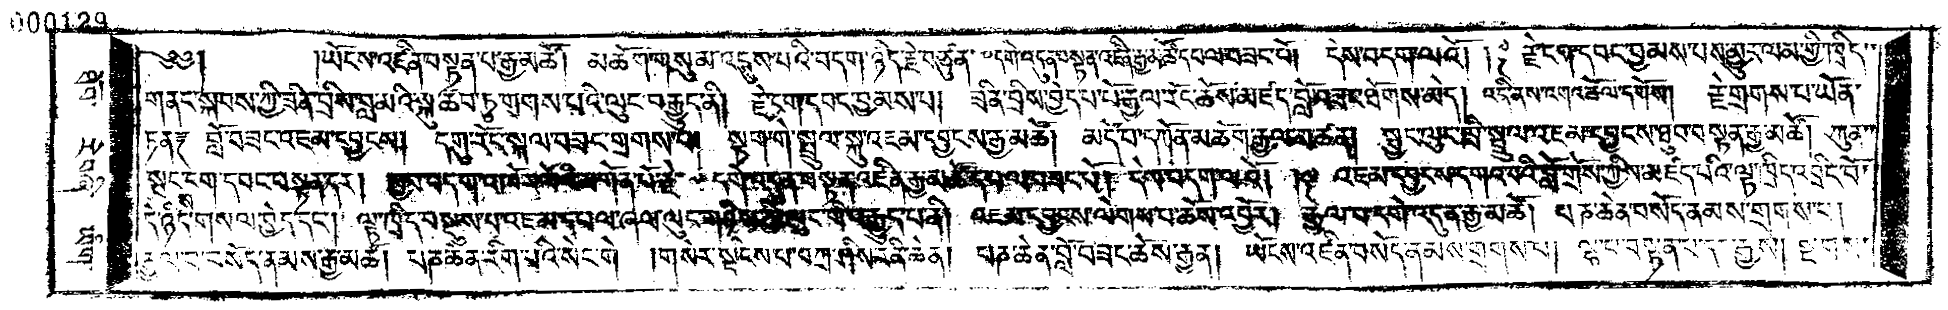༄༅། །ཡོངས་འཛིན་བསྟན་པ་རྒྱ་མཚོ། མཆོག་གསུམ་འདུས་པའི་བདག་ཉིད་རྗེ་བཙུན་དགེ་འདུན་བསྟན་འཛིན་རྒྱ་མཚོ་དཔལ་བཟང་པོ། དེས་བདག་ལའོ། །༈ རྗེ་ངག་དབང་བྱམས་པས་མྱུར་ལམ་གྱི་ཁྲིད་
གནང་སྐབས་ཀྱི་ཟིན་བྲིས་བླ་མའི་སྐུ་ཚབ་ཏུ་གྲགས་པའི་ལུང་བརྒྱུད་ནི། རྗེ་ངག་དབང་བྱམས་པ། ཟིན་བྲིས་བྱེད་པ་པོ་རྒྱལ་རོང་ཆོས་མཛད་བློ་བཟང་ཐོགས་མེད། འདི་ནས་འགའ་ཚོལ་དགོས།  རྗེ་གྲགས་པ་ཡོན་
ཏན༑ བློ་བཟང་འཇམ་དབྱངས། དགུ་རོང་སྐལ་བཟང་གྲགས་པ། སྟག་གེ་སྤྲུལ་སྐུ་འཇམ་དབྱངས་རྒྱ་མཚོ། མདོ་པ་དཀོན་མཆོག་རྒྱལ་མཚན། སྦྱང་ལུང་ཁྲི་སྤྲུལ་འཇམ་དབྱངས་ཐུབ་བསྟན་རྒྱ་མཚོ། ཀུན་
སྤངས་ངག་དབང་བསྟན་དར། ཁྱབ་བདག་འཁོར་ལོའི་མགོན་པོ་རྗེ་དགེ་འདུན་བསྟན་འཛིན་རྒྱ་མཚོ་དཔལ་བཟང་པོ། དེས་བདག་ལའོ། །༈ འཇམ་དབྱངས་དགའ་བའི་བློ་གྲོས་ཀྱིས་མཛད་པའི་ལྟ་ཁྲིད་འབྲིང་བོ་
དེ་ཉིད་གསལ་བྱེད་དང་། ལྟ་ཁྲིད་བསྡུས་པ་འཇམ་དཔལ་ཞལ་ལུང་གཉིས་ཀྱི་ལུང་གི་བརྒྱུད་པ་ནི། འཇམ་དབྱངས་ལེགས་པ་ཆོས་འབྱོར། རྒྱལ་བ་དགེ་འདུན་རྒྱ་མཚོ། པཎ་ཆེན་བསོད་ནམས་གྲགས་པ།
རྒྱལ་བ་བསོད་ནམས་རྒྱ་མཚོ། པཎ་ཆེན་རིག་པའི་སེང་གེ །གསེར་སྡིང་པ་བཀྲ་ཤིས་རིན་ཆེན། པཎ་ཆེན་བློ་བཟང་ཆོས་རྒྱན། ཡོངས་འཛིན་བསོད་ནམས་གྲགས་པ། ལྷ་པ་བསྟན་པ་དར་རྒྱས། སྔགས་